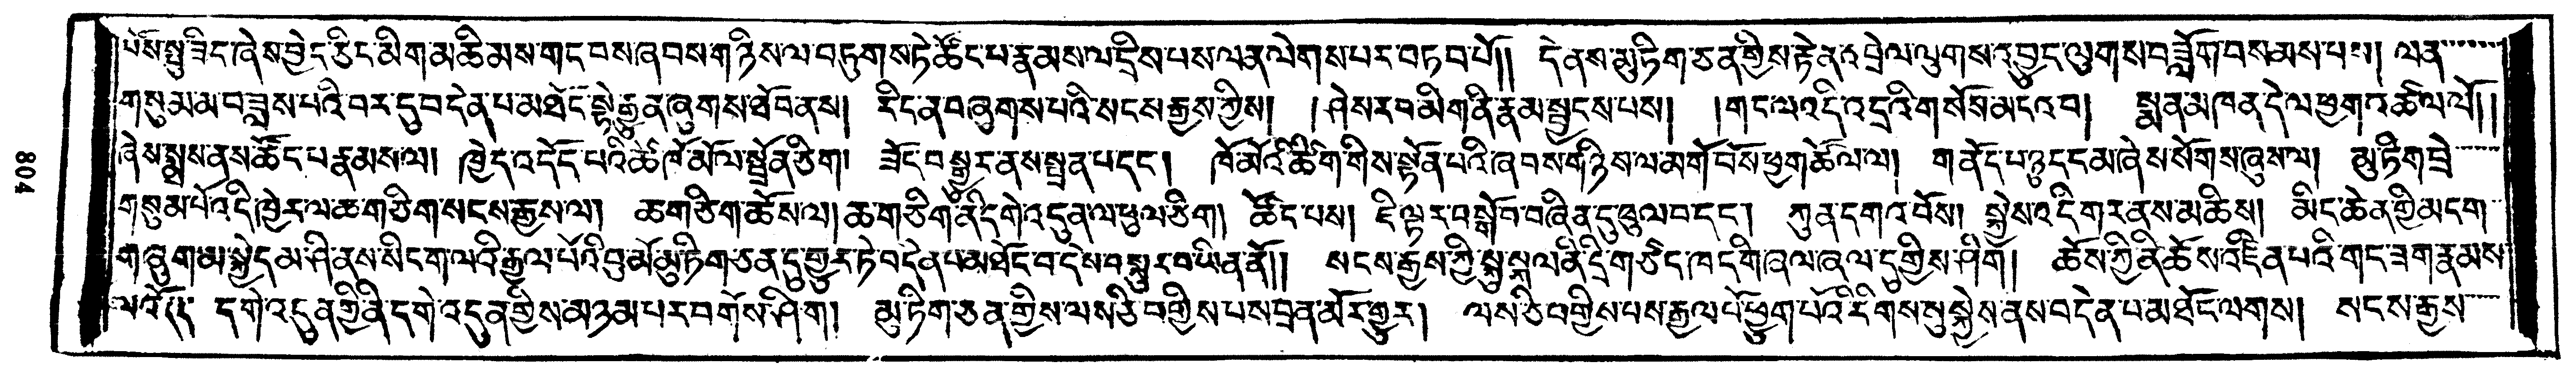པོས་སྤུ་ཟིང་ཞེས་བྱེད་ཅིང་མིག་མཆི་མས་གང་བས་ཞབས་གཉིས་ལ་བཏུགས་ཏེ་ཚོང་པ་རྣམས་ལ་དྲིས་པས་ལན་ལེགས་པར་བཏབ་པོ།། དེ་ནས་མུ་ཏིག་ཅན་གྱིས་རྟེན་འབྲེལ་ལུགས་འབྱུང་ལུགས་བཟློག་བསམས་པས། ལན་
གསུམ་མ་བཟླས་པའི་བར་དུ་བདེན་པ་མཐོང་སྟེ་རྒྱུན་ཞུགས་ཐོབ་ནས། རིང་ན་བཞུགས་པའི་སངས་རྒྱས་ཀྱིས། །ཤེས་རབ་མིག་ནི་རྣམ་སྦྱངས་པས། །གང་ལ་འདི་འདྲའི་གསོས་མངའ་བ། སྨན་མཁན་དེ་ལ་ཕྱག་འཚལ་ལོ།།
ཞེས་སྨྲས་ནས་ཚོང་པ་རྣམས་ལ། ཁྱེད་འདོད་པའི་ཚེ་ཁོ་མོ་ལ་སྦྲོན་ཅིག། ཟོད་བསྒྱུར་ནས་སྦྲན་པ་དང་། ཁོ་མོའི་ཚིག་གིས་སྟོན་པའི་ཞབས་གཉིས་ལ་མགོ་བོས་ཕྱག་འཚོལ་ལ། གནོད་པ་ཉུང་ངམ་ཞེས་སོགས་ཞུས་ལ། མུ་ཏིག་བྲེ་
གསུམ་པོ་འདི་ཁྱེར་ལ་ཆ་གཅིག་སངས་རྒྱས་ལ། ཆ་གཅིག་ཆོས་ལ། ཆ་གཅིག་ནི་དགེ་འདུན་ལ་ཕུལ་ཅིག། ཚོང་པས། ཇི་ལྟར་བསྒོ་བ་བཞིན་དུ་ཕུལ་བ་དང་། ཀུན་དགའ་བོས། སྐྱེས་འདི་གར་ནས་མཆིས། མིང་ཆེན་གྱི་མངག་
གཞུག་མ་སྐྱེད་མ་ཤི་ནས་སིང་ག་ལའི་རྒྱལ་པོའི་བུ་མོ་མུ་ཏིག་ཅན་དུ་གྱུར་ཏེ་བདེན་པ་མཐོང་བ་དེས་བསྐུར་བ་ཡིན་ནོ།། སངས་རྒྱས་ཀྱི་སྐུ་སྐལ་ནི་དྲི་གཙང་ཁང་གི་ཞལ་ཞལ་དུ་གྱིས་ཤིག། ཆོས་ཀྱི་ནི་ཆོས་འཛིན་པའི་གང་ཟག་རྣམས་
ལའོ༑༑ དགེ་འདུན་གྱི་ནི་དགེ་འདུན་གྱིས་མཉམ་པར་བགོས་ཤིག། མུ་ཏིག་ཅན་གྱིས་ལས་ཅི་བགྱིས་པས་བྲན་མོར་གྱུར། ལས་ཅི་བགྱིས་པས་རྒྱལ་པོ་ཕྱུག་པོའི་རིགས་སུ་སྐྱེས་ནས་བདེན་པ་མཐོང་ལགས། སངས་རྒྱས་